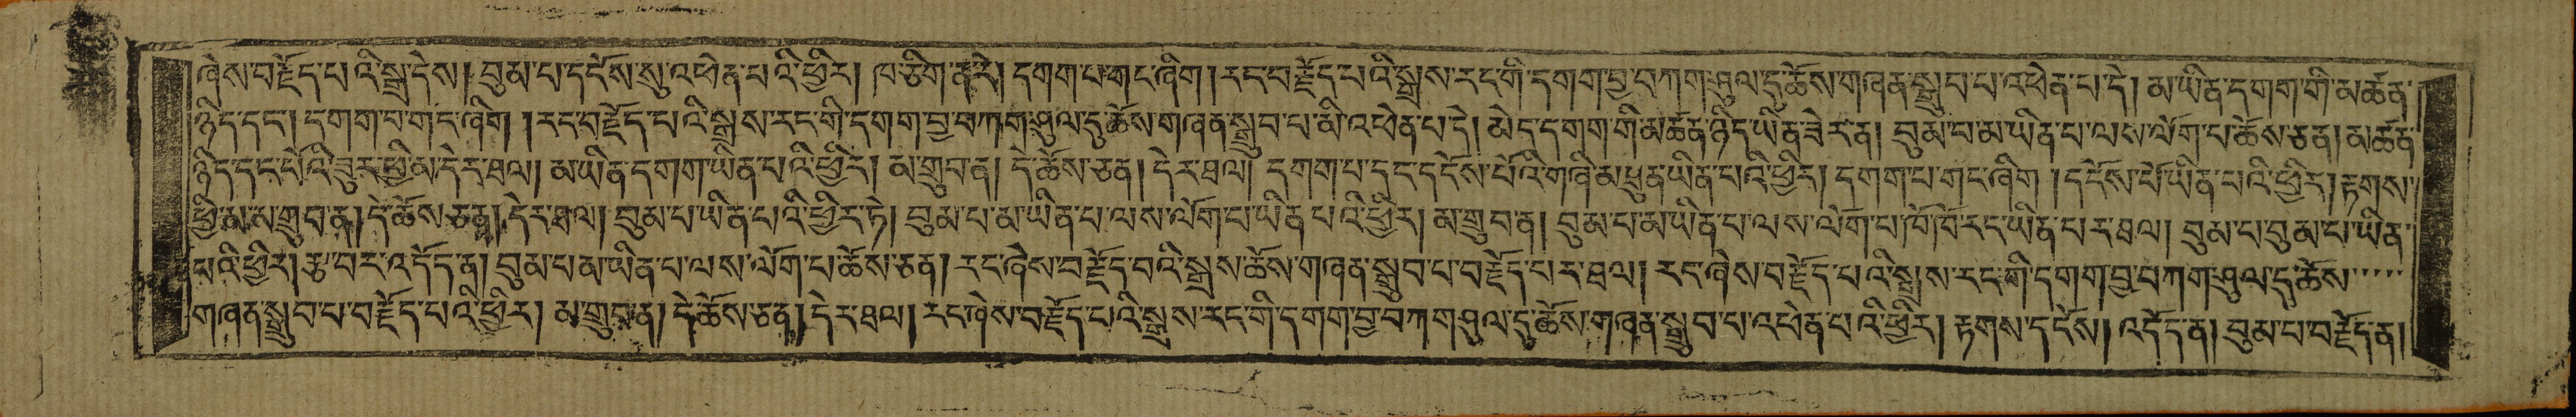ཞེས་བརྗོད་པའི་སྒྲ་དེས། བུམ་པ་དངོས་སུ་འཕེན་པའི་ཕྱིར། ཁ་ཅིག་ན་རེ། དགག་པ་གང་ཞིག །རང་བརྗོད་པའི་སྒྲས་རང་གི་དགག་བྱ་བཀག་ཤུལ་དུ་ཆོས་གཞན་སྒྲུབ་པ་འཕེན་པ་དེ། ?་དགག་ག་མཚན་
ཉིད་དང་། དགག་པ་གང་ཞིག །རང་བརྗོད་པའི་སྒྲས་རང་གི་དགག་བྱ་བཀག་ཤུལ་དུ་ཆོས་གཞན་སྒྲུབ་པ་མི་འཕེན་པ་དེ། མེད་དགག་གི་མཚན་ཉིད་ཡིན་ཟེར་ན། བུམ་པ་མ་ཡིན་པ་ལས་ལོག་པ་ཆོས་ཅན། མཚན་
ཉིད་དང་པོའི་ཟུར་ཕྱི་མ་དེར་ཐལ། མ་ཡིན་དགག་ཡིན་པའི་ཕྱིར། མ་གྲུབ་ན། དེ་ཆོས་ཅན། དེར་ཐལ། དགག་པ་དང་དངོས་པོའི་གཞི་མཐུན་ཡིན་པའི་ཕྱིར། དགག་པ་གང་ཞིག །དངོས་པོ་ཡིན་པའི་ཕྱིར། རྟགས་
ཕྱི་མ་མ་གྲུབ་ན། དེ་ཆོས་ཅན། དེར་ཐལ། བུམ་པ་ཡིན་པའི་ཕྱིར་ཏེ། བུམ་པ་མ་ཡིན་པ་ལས་ལོག་པ་ཡིན་པའི་ཕྱིར། མ་གྲུབ་ན། བུམ་པ་མ་ཡིན་པ་ལས་ལོག་པ་ཁོ་ཁོ་རང་ཡིན་པར་ཐལ། བུམ་པ་བུམ་པ་ཡིན་
པའི་ཕྱིར། རྩ་བར་འདོད་ན། བུམ་པ་མ་ཡིན་པ་ལས་ལོག་པ་ཆོས་ཅན། རང་ཞེས་བརྗོད་པའི་སྒྲས་ཆོས་གཞན་སྒྲུབ་པ་བརྗོད་པར་ཐལ། རང་ཞེས་བརྗོད་པའི་སྒྲས་རང་གི་དགག་བྱ་བཀག་ཤུལ་དུ་ཆོས་
གཞན་སྒྲུབ་པ་བརྗོད་པའི་ཕྱིར། མ་གྲུབ་ན། དེ་ཆོས་ཅན། དེར་ཐལ། རང་ཞེས་བརྗོད་པའི་སྒྲས་རང་གི་དགག་བྱ་བཀག་ཤུལ་དུ་ཆོས་གཞན་སྒྲུབ་པ་འཕེན་པའི་ཕྱིར། རྟགས་དངོས། འདོད་ན། བུམ་པ་བརྗོད་ན།